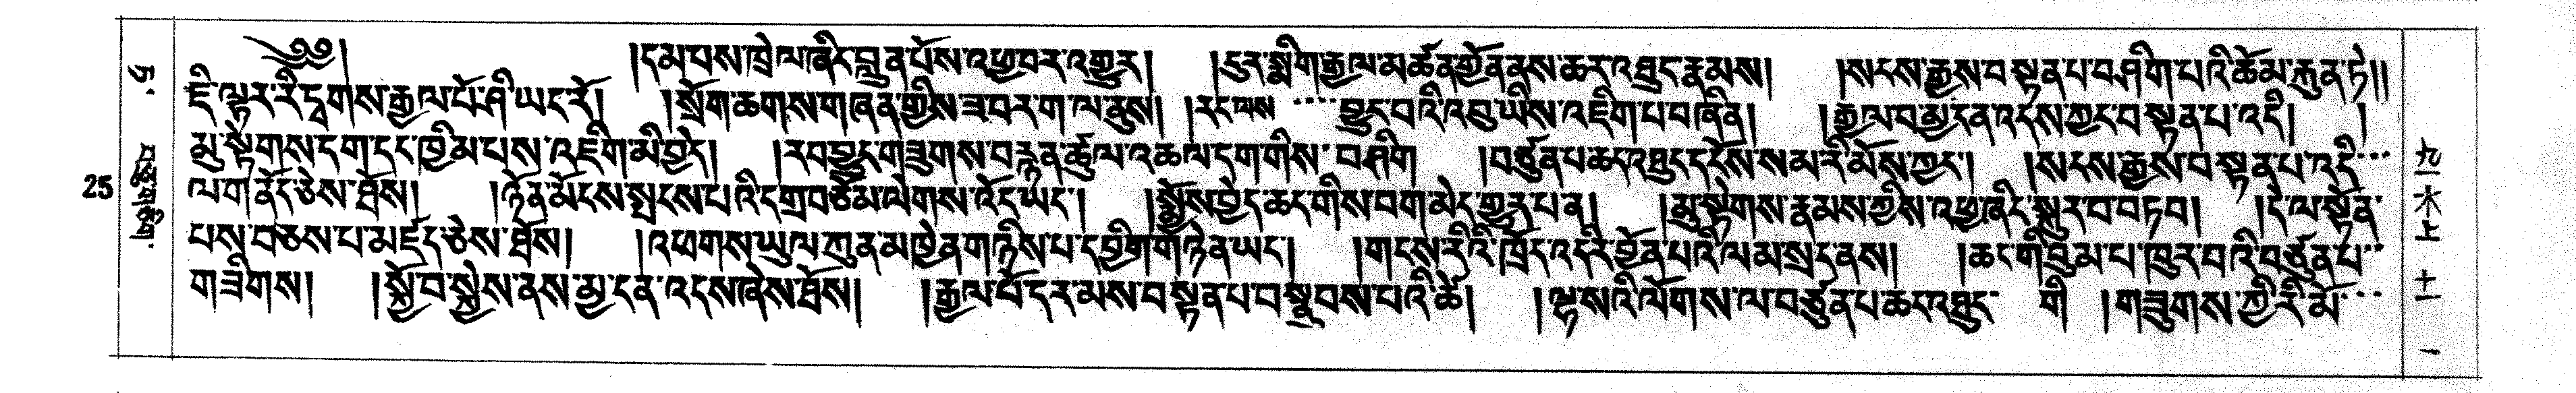༄༅། །དམ་པས་ཁྲེལ་ཞིང་བླུན་པོས་འཕྱ་བར་འགྱུར། །དུར་སྨིག་རྒྱལ་མཚན་གྱོན་ནས་ཆར་འཐུང་རྣམས། །སངས་རྒྱས་བསྟན་པ་བཤིག་པའི་ཆོམ་རྐུན་ཏེ།།
ཇི་ལྟར་རི་དྭགས་རྒྱལ་པོ་ཤི་ཡང་རོ། །སྲོག་ཆགས་གཞན་གྱིས་ཟ་བར་ག་ལ་ནུས། །རང་ལས་བྱུང་བའི་འབུ་ཡིས་འཇིག་པ་བཞིན། །རྒྱལ་བ་མྱ་ངན་འདས་ཀྱང་བསྟན་པ་འདི། །
མུ་སྟེགས་དག་དང་ཁྱིམ་པས་འཇིག་མི་བྱེད། །རབ་བྱུང་གཟུགས་བརྙན་ཚུལ་འཆལ་དག་གིས་བཤིག །བཙུན་པ་ཆད་འཐུང་དངོས་སམ་རི་མོས་ཀྱང་། །སངས་རྒྱས་བསྟན་པ་འདི་
ལ་གནོད་ཅེས་ཐོས། །ཉོན་མོངས་སྤངས་པའི་དགྲ་བཅོམ་ལེགས་འོད་ཡང་། །སྨྱོས་བྱེད་ཆད་གིས་བག་མེད་གྱུར་པ་ན། །མུ་སྟེགས་རྣམས་ཀྱིས་འཕྱ་ཞིང་སྐུར་བ་བཏབ། །དེ་ལ་སྟོན་
པས་བཅས་པ་མཛད་ཅེས་ཐོས། །འཕགས་ཡུལ་ཀུན་མཁྱེན་གཉིས་པ་དབྱིག་གཉེན་ཡང་། །གངས་རིའི་ཁྲོད་འདིར་བྱོན་པའི་ལམ་སྲང་ནས། །ཆང་གི་བུམ་པ་ཁུར་བའི་བཙུན་པ་
གཟིགས། །སྐྱོ་བ་སྐྱེས་ནས་མྱ་ངན་འདས་ཞེས་ཐོས། །རྒྱལ་པོ་དར་མས་བསྟན་པ་བསྣུབས་པའི་ཚེ། །ལྷ་སའི་ལོགས་ལ་བཙུན་པ་ཆང་འཐུང་གི །གཟུགས་ཀྱི་རི་མོ་